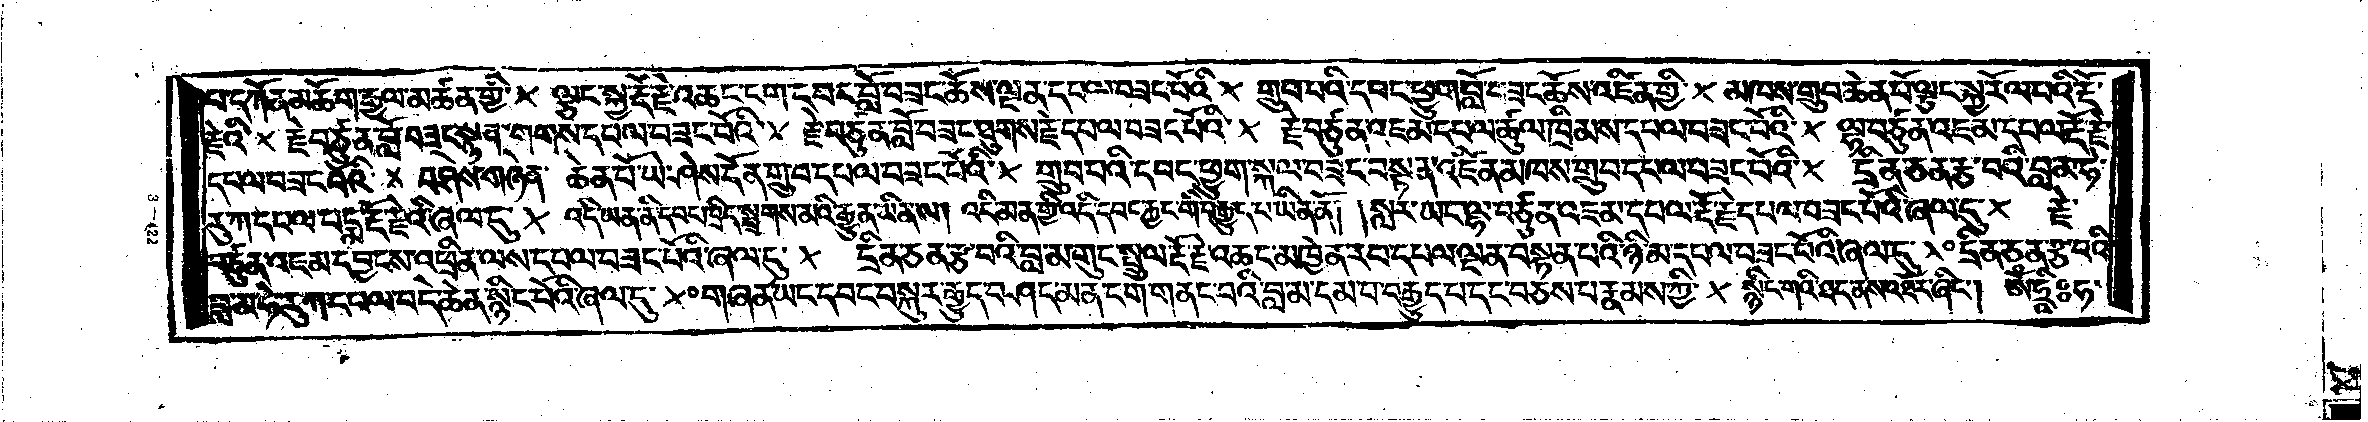བ་དཀོན་མཆོག་རྒྱལ་མཚན་གྱི་྾་ལྕང་སྐྱ་རྡོ་རྗེ་འཆང་ངག་དབང་བློ་བཟང་ཆོས་ལྡན་དཔལ་བཟང་པོའི་྾་གྲུབ་པའི་དབང་ཕྱུག་བློ་བཟང་ཆོས་འཛིན་གྱི་྾་མཁས་གྲུབ་ཆེན་པོ་ལྕང་སྐྱ་རོལ་བའི་རྡོ་
རྗེའི་྾་རྗེ་བཙུན་བློ་བཟང་སྙན་གགས་དཔལ་བཟང་པོའི་྾་རྗེ་བཙུན་བློ་བཟང་ཐུགས་རྗེ་དཔལ་བཟང་པོའི་྾་རྗེ་བཙུན་འཇམ་དཔལ་ཚུལ་ཁྲིམས་དཔལ་བཟང་པོའི་྾་ལྷ་བཙུན་འཇམ་དཔལ་རྡོ་རྗེ་
དཔལ་བཟང་བོའི་྾་བཤེས་གཉེན་ཆེན་པོ་ཡེ་ཤེས་དོན་གྲུབ་དཔལ་བཟང་པོའི་྾་གྲུབ་པའི་དབང་ཕྱུག་སྐལ་བཟང་བསྟན་འཛིན་མཁས་གྲུབ་དཔལ་བཟང་པོའི་྾་དྲིན་ཅན་རྩ་བའི་བླ་མ་ཧེ་
རུ་ཀ་དཔལ་པདམ་རྡོ་རྗེའི་ཞལ་དུ་྾་འདི་ཡན་ནི་དབང་ཁྲིད་སྦྲགས་མའི་རྒྱུན་ཡིན་ལ། འདི་མན་གྱི་འདི་དབང་རྐྱང་གི་བརྒྱུད་པ་ཡིན་ནོ། །སླར་ཡང་ལྷ་བཙུན་འཇམ་དཔལ་རྡོ་རྗེ་དཔལ་བཟང་པོའི་ཞལ་དུ་྾་རྗེ་
བཙུན་འཇམ་དབྱངས་འཕྲིན་ལས་དཔལ་བཟང་པོའི་ཞལ་དུ་྾་དྲིན་ཅན་རྩ་བའི་བླ་མ་གུང་སྤྲུལ་རྡོ་རྗེ་འཆང་མཁྱེན་རབ་དཔལ་ལྡན་བསྟན་པའི་ཉི་མ་དཔལ་བཟང་པོའི་ཞལ་དུ་྾྾་དྲིན་ཅན་རྩ་བའི་
བླ་མ་ཧེ་རུ་ཀ་དཔལ་བདེ་ཆེན་སྙིང་པོའི་ཞལ་དུ་྾྾་གཞན་ཡང་དབང་བསྐུར་རྒྱུད་བཤད་མན་ངག་གནང་བའི་བླ་མ་དམ་པ་བརྒྱུད་པ་དང་བཅས་པ་རྣམས་ཀྱི་྾་སྙིང་གའི་ཐད་ནས་འཐོར་ཞིང་། ཨོཾ་ཧྲཱིཿཧ་